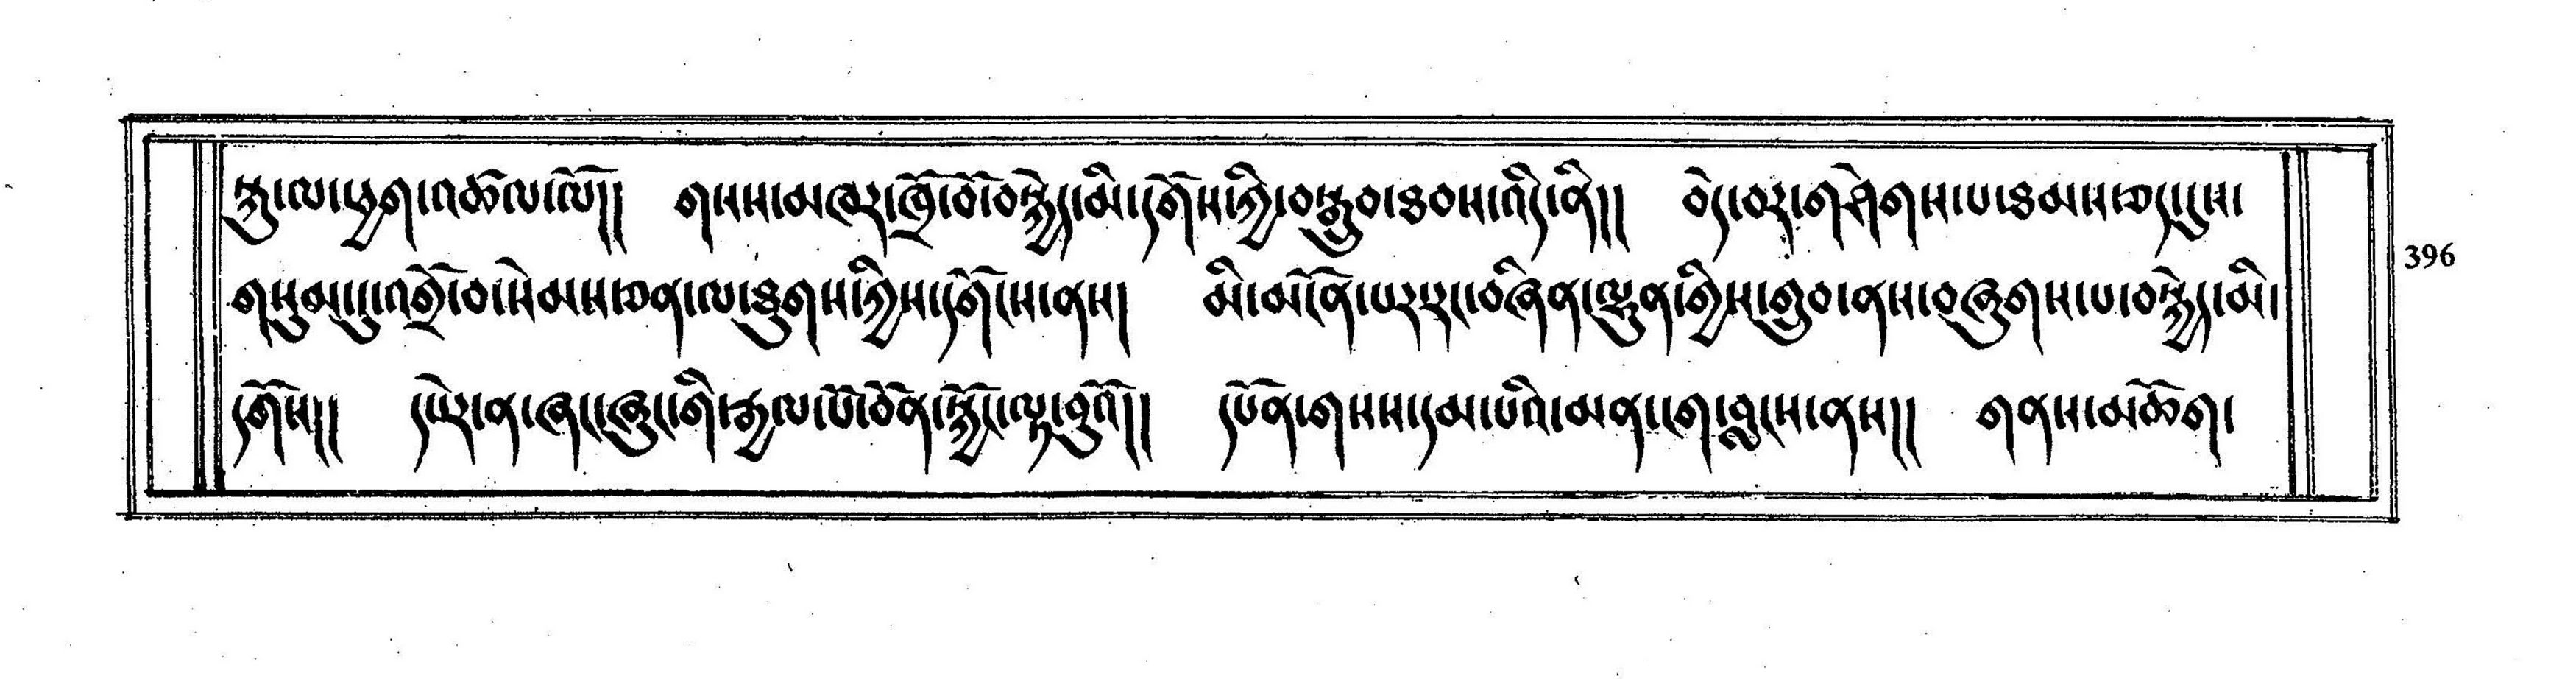སྐུ་ལ་ཕྱག་འཚལ་ལོ།། གསས་མཁར་ཁྲོ་བོ་བསྐྱེད་མི་དགོས་ཀྱི་བསྒྲུབ་ཐབས་འདི་ནི། བདེ་བར་གཤེགས་པ་ཐམས་ཅད་དུས་
གསུམ་དུ་འགྲོ་བ་སེམས་ཅན་ལ་ཐུགས་དགོངས་ནས། མི་མངོན་པར་རང་བཞིན་ལྷུན་གྱིས་གྲུབ་ནས་བཞུགས་པ་བསྐྱེད་མི་
དགོས། དཔེར་ན་ཞང་ཞུང་གི་རྒྱལ་པོ་བོན་སྐྱོང་ལྟ་བུའོ།། དཔོན་གསས་དམ་པའི་དག་བླངས་ནས། གནས་མཆོག་